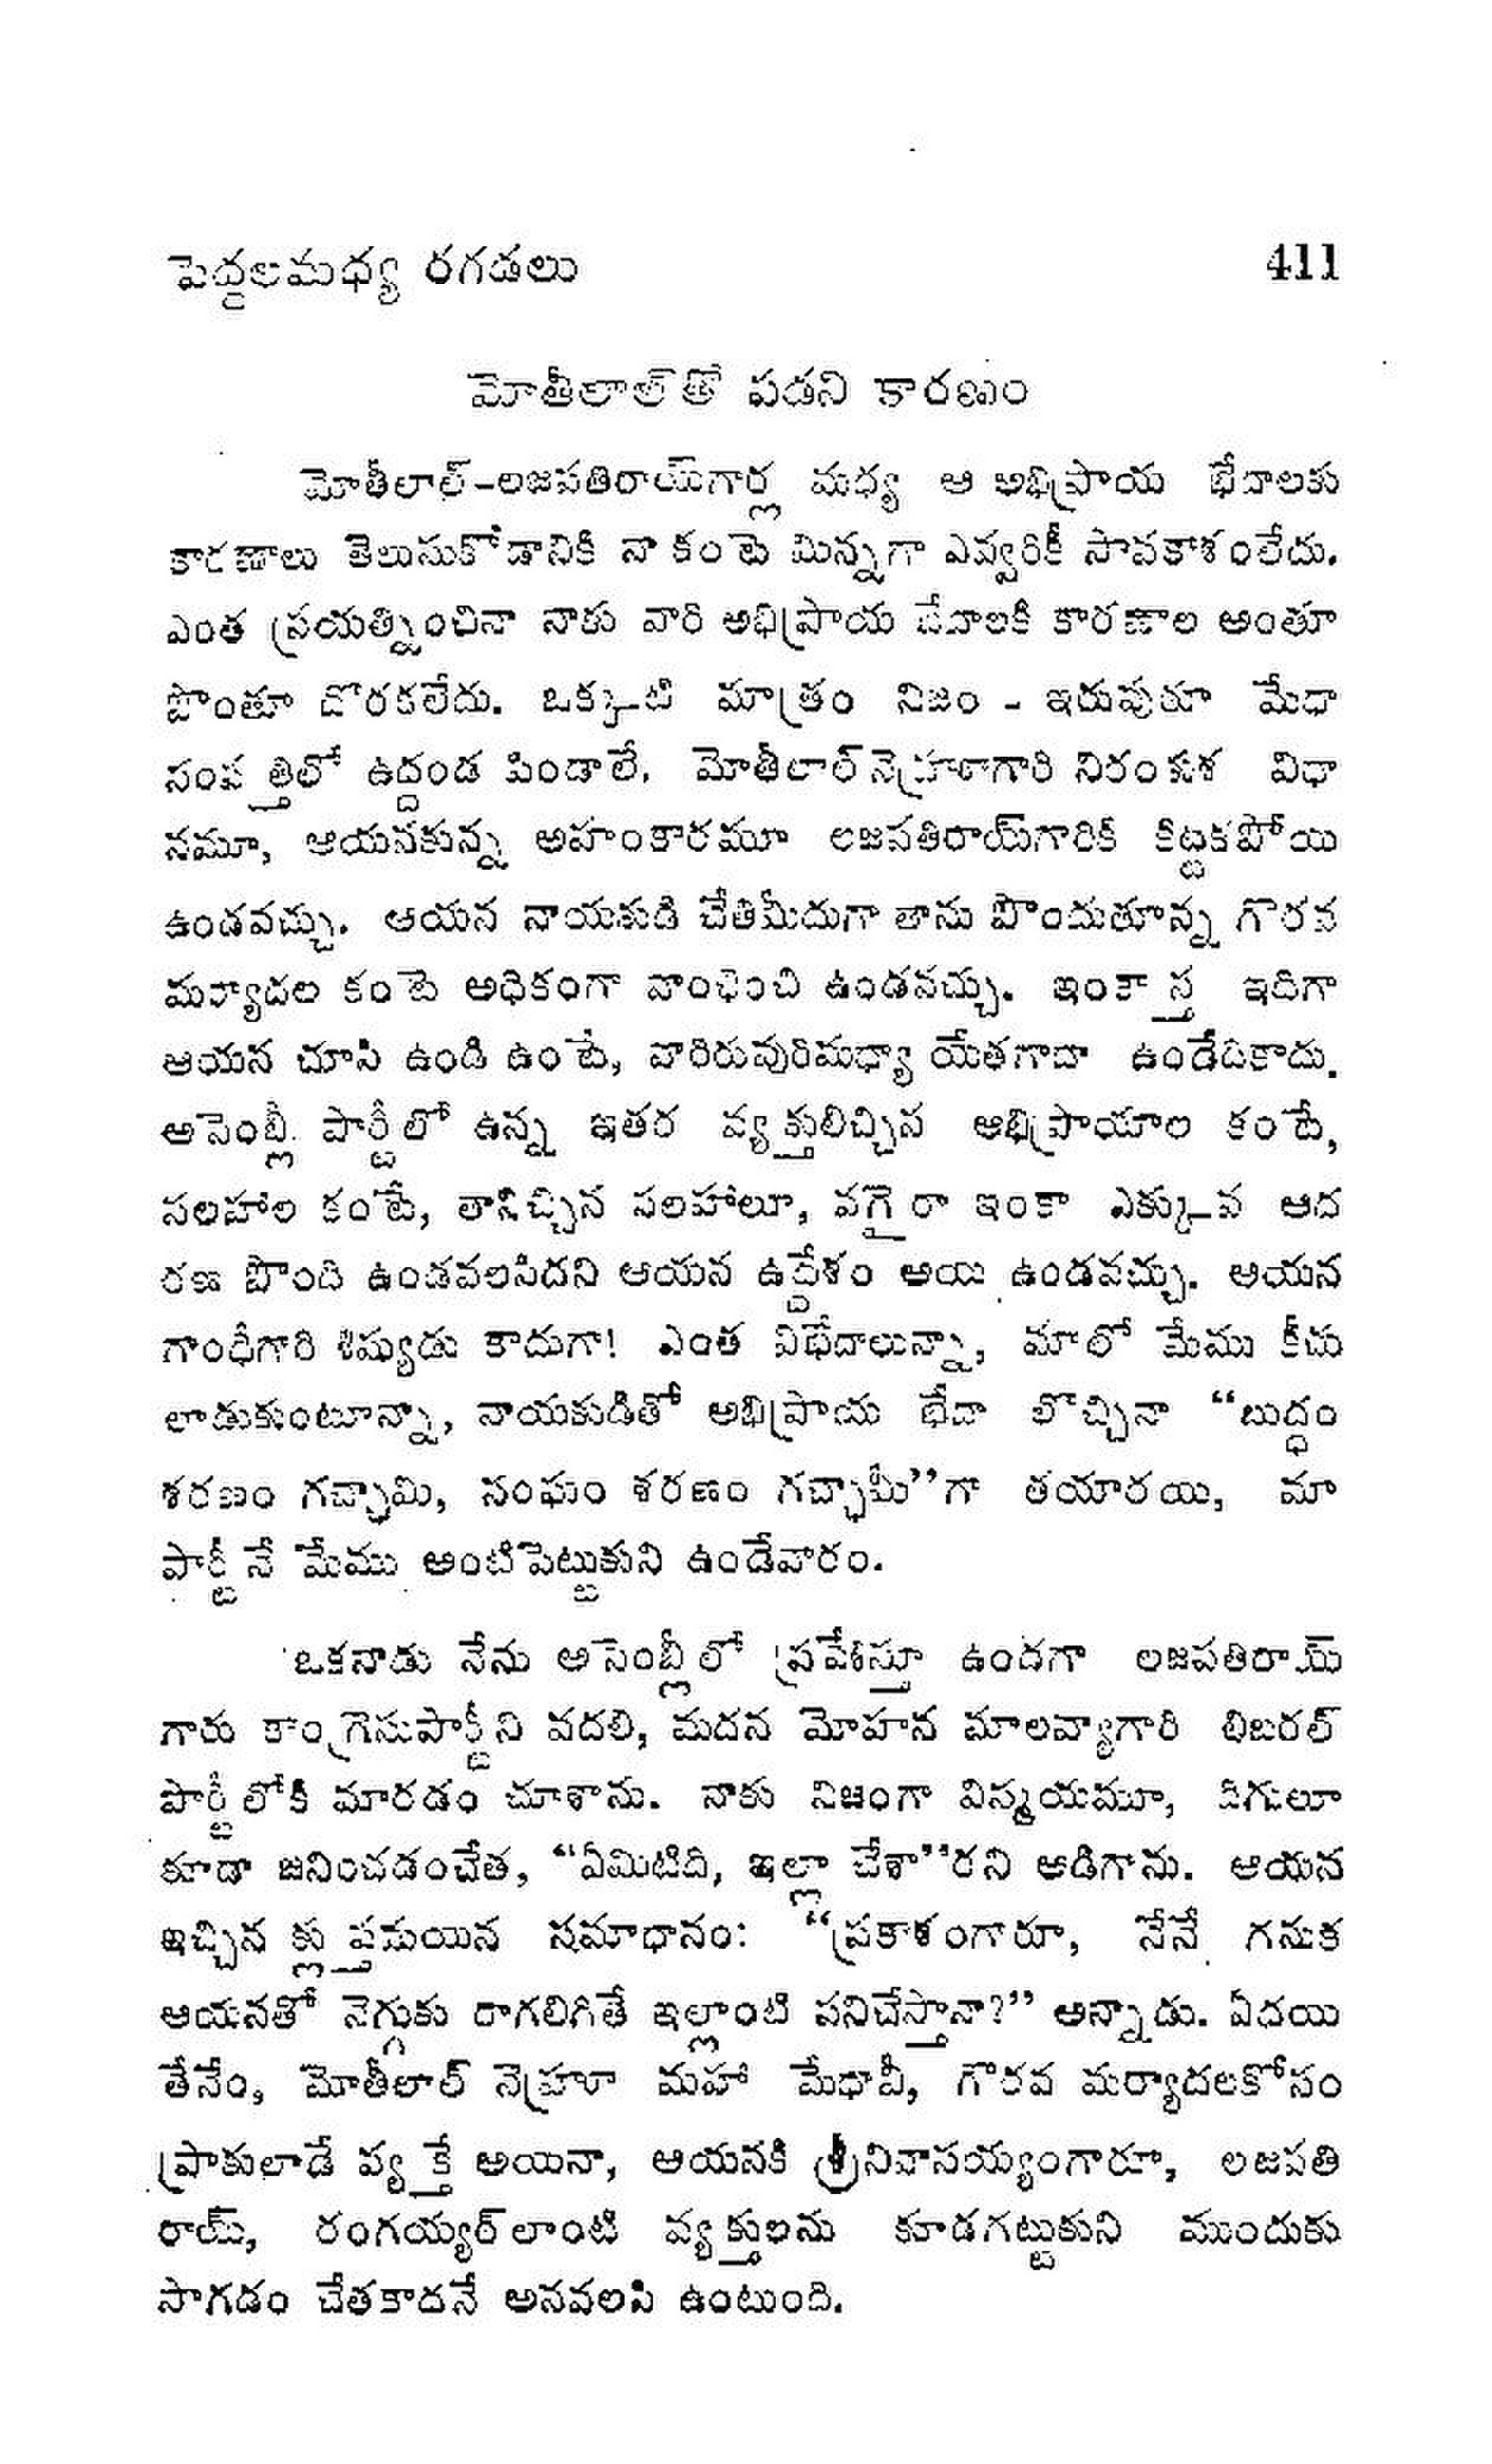మోతీలాల్ - లజపతిరాయ్‌గార్ల మధ్య ఆ అభిప్రాయ భేదాలకు కారణాలు తెలుసుకోడానికి నా కంటె మిన్నగా ఎవ్వరికీ సావకాశంలేదు. ఎంత ప్రయత్నించినా నాకు వారి అభిప్రాయ భేదాలకి కారణాల అంతూ పొంతూ దొరకలేదు. ఒక్కటి మాత్రం నిజం - ఇరువురూ మేధా సంపత్తిలో ఉద్ధండ పిండాలే. మోతీలాల్‌నెహ్రూగారి నిరంకుశ విధానమూ, ఆయనకున్న అహంకారమూ లజపతిరాయ్‌గారికి కిట్టకపోయి ఉండవచ్చు. ఆయన నాయకుడి చేతిమీదుగా తాను పొందుతూన్న గౌరవ మర్యాదల కంటె అధికంగా వాంఛించి ఉండవచ్చు. ఇంకాస్త ఇదిగా ఆయన చూపి ఉండి ఉంటే, వారిరువురిమధ్యా యేతగాదా ఉండేదికాదు. అసెంబ్లీ పార్టీలో ఉన్న ఇతర వ్యక్తులిచ్చిన అభిప్రాయాల కంటే, సలహాల కంటే, తానిచ్చిన సలహాలూ, వగైరా ఇంకా ఎక్కువ ఆదరణ పొంది ఉండవలసినదని ఆయన ఉద్దేశం అయి ఉండవచ్చు. ఆయన గాంధీగారి శిష్యుడు కాదుగా! ఎంత విభేదాలున్నా, మాలో మేము కీచులాడుకుంటూన్నా, నాయకుడితో అభిప్రాయ భేదా లొచ్చినా "బుద్ధం శరణం గచ్చామి, సంఘం శరణం గచ్చామీ"గా తయారయి, మా పార్టీనే మేము అంటిపెట్టుకుని ఉండేవారం.

ఒకనాడు నేను అసెంబ్లీలో ప్రవేశిస్తూ ఉండగా లజపతిరాయ్‌గారు కాంగ్రెసుపార్టీని వదలి, మదన మోహన మాలవ్యాగారి లిబరల్ పార్టీలోకి మారడం చూశాను. నాకు నిజంగా విస్మయమూ, దిగులూ కూడా జనించడంచేత, "ఏమిటిది, ఇల్లా చేశా"రని అడిగాను. ఆయన ఇచ్చిన క్లుప్తమయిన సమాధానం: "ప్రకాశంగారూ, నేనే గనుక ఆయనతో నెగ్గుకు రాగలిగితే ఇల్లాంటి పనిచేస్తానా?" అన్నాడు. ఏదయితేనేం, మోతీలాల్ నెహ్రూ మహా మేధావీ, గౌరవ మర్యాదలకోసం ప్రాకులాడే వ్యక్తే అయినా, ఆయనకి శ్రీనివాసయ్యంగారూ, లజపతిరాయ్, రంగయ్యర్‌లాంటి వ్యక్తులను కూడగట్టుకుని ముందుకు సాగడం చేతకాదనే అనవలసి ఉంటుంది.